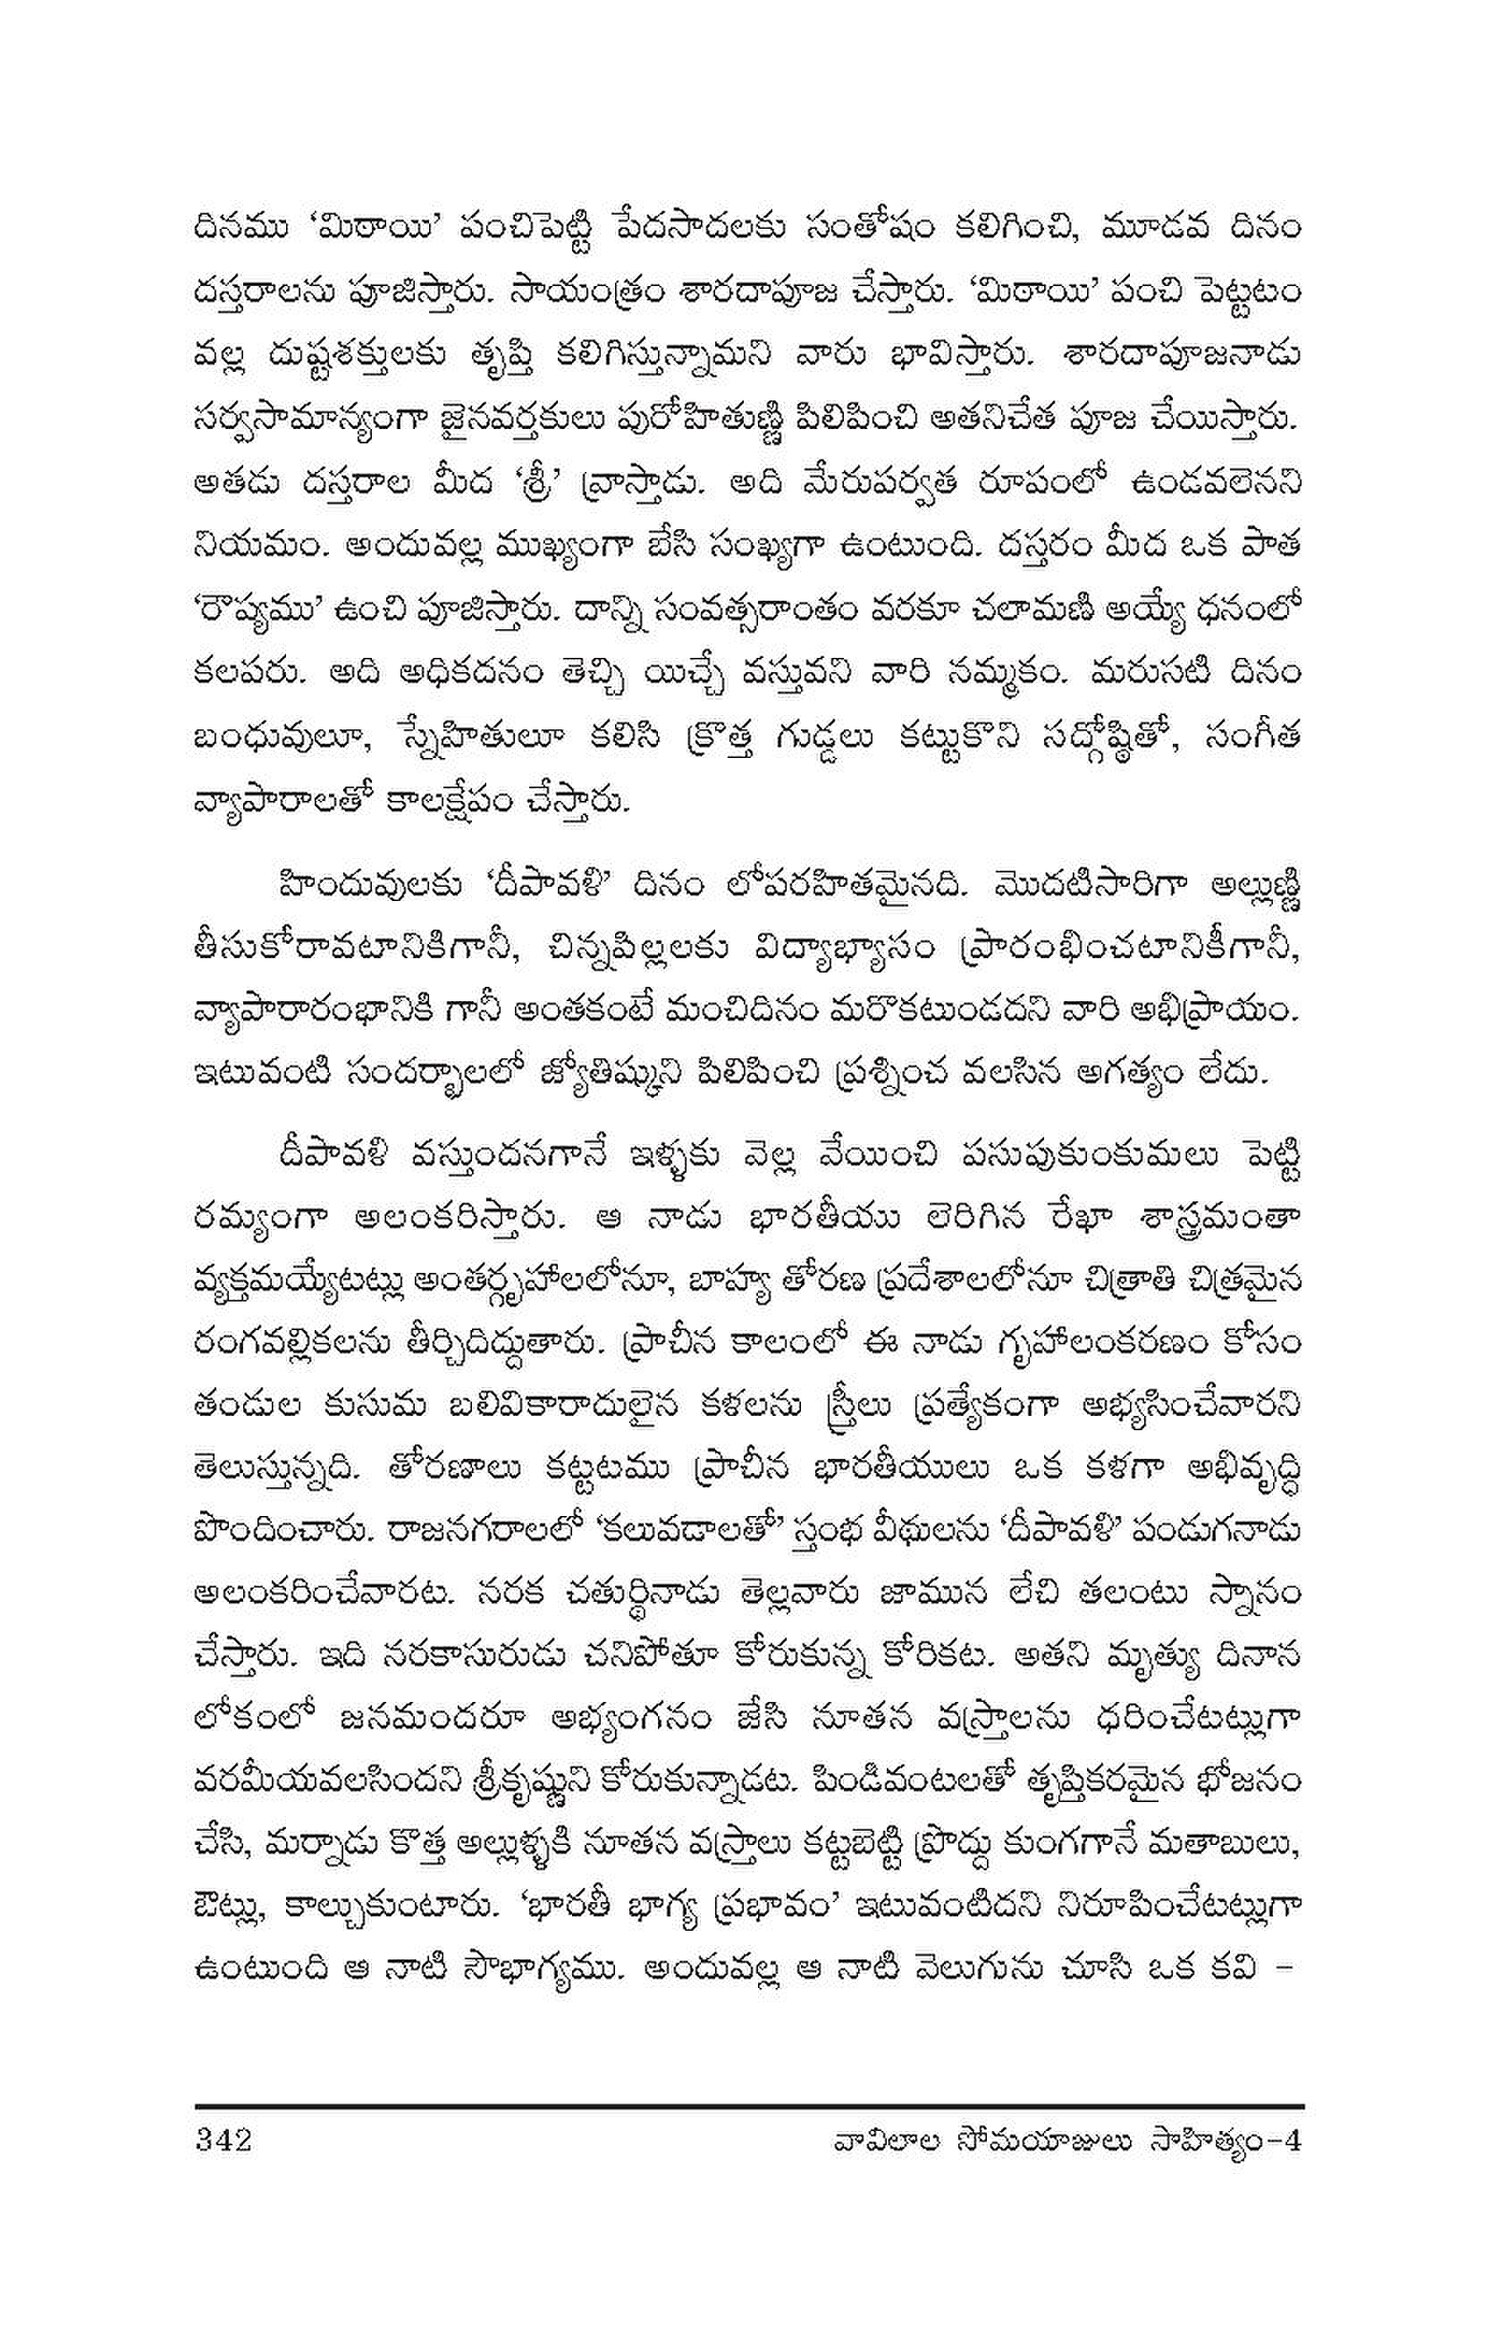దినము 'మిఠాయి' పంచిపెట్టి పేదసాదలకు సంతోషం కలిగించి, మూడవ దినం
దస్తరాలను పూజిస్తారు. సాయంత్రం శారదాపూజ చేస్తారు. 'మిఠాయి' పంచి పెట్టటం
వల్ల దుష్టశక్తులకు తృప్తి కలిగిస్తున్నామని వారు భావిస్తారు. శారదాపూజనాడు
సర్వసామాన్యంగా జైనవర్తకులు పురోహితుణ్ణి పిలిపించి అతనిచేత పూజ చేయిస్తారు.
అతడు దస్తరాల మీద 'శ్రీ' వ్రాస్తాడు. అది మేరుపర్వత రూపంలో ఉండవలెనని
నియమం. అందువల్ల ముఖ్యంగా బేసి సంఖ్యగా ఉంటుంది. దస్తరం మీద ఒక పాత
'రౌప్యము' ఉంచి పూజిస్తారు. దాన్ని సంవత్సరాంతం వరకూ చలామణి అయ్యే ధనంలో
కలపరు. అది అధికదనం తెచ్చి యిచ్చే వస్తువని వారి నమ్మకం. మరుసటి దినం
బంధువులూ, స్నేహితులూ కలిసి క్రొత్త గుడ్డలు కట్టుకొని సద్దోష్ఠితో, సంగీత
వ్యాపారాలతో కాలక్షేపం చేస్తారు.

హిందువులకు 'దీపావళి' దినం లోపరహితమైనది. మొదటిసారిగా అల్లుణ్ణి
తీసుకోరావటానికిగానీ, చిన్నపిల్లలకు విద్యాభ్యాసం ప్రారంభించటానికీగానీ,
వ్యాపారారంభానికి గానీ అంతకంటే మంచిదినం మరొకటుండదని వారి అభిప్రాయం.
ఇటువంటి సందర్భాలలో జ్యోతిష్కుని పిలిపించి ప్రశ్నించ వలసిన అగత్యం లేదు.

దీపావళి వస్తుందనగానే ఇళ్ళకు వెల్ల వేయించి పసుపుకుంకుమలు పెట్టి
రమ్యంగా అలంకరిస్తారు. ఆ నాడు భారతీయు లెరిగిన రేఖా శాస్త్రమంతా
వ్యక్తమయ్యేటట్లు అంతర్గృహాలలోనూ, బాహ్య తోరణ ప్రదేశాలలోనూ చిత్రాతి చిత్రమైన
రంగవల్లికలను తీర్చిదిద్దుతారు. ప్రాచీన కాలంలో ఈ నాడు గృహాలంకరణం కోసం
తండుల కుసుమ బలివికారాదులైన కళలను స్త్రీలు ప్రత్యేకంగా అభ్యసించేవారని
తెలుస్తున్నది. తోరణాలు కట్టటము ప్రాచీన భారతీయులు ఒక కళగా అభివృద్ధి
పొందించారు. రాజనగరాలలో 'కలువడాలతో' స్తంభ వీధులను 'దీపావళి' పండుగనాడు
అలంకరించేవారట. నరక చతుర్థినాడు తెల్లవారు జామున లేచి తలంటు స్నానం
చేస్తారు. ఇది నరకాసురుడు చనిపోతూ కోరుకున్న కోరికట. అతని మృత్యు దినాన
లోకంలో జనమందరూ అభ్యంగనం జేసి నూతన వస్త్రాలను ధరించేటట్లుగా
వరమీయవలసిందని శ్రీకృష్ణుని కోరుకున్నాడట. పిండివంటలతో తృప్తికరమైన భోజనం
చేసి, మర్నాడు కొత్త అల్లుళ్ళకి నూతన వస్త్రాలు కట్టబెట్టి ప్రొద్దు కుంగగానే మతాబులు,
ఔట్లు, కాల్చుకుంటారు. 'భారతీ భాగ్య ప్రభావం' ఇటువంటిదని నిరూపించేటట్లుగా
ఉంటుంది ఆ నాటి సౌభాగ్యము. అందువల్ల ఆ నాటి వెలుగును చూసి ఒక కవి -